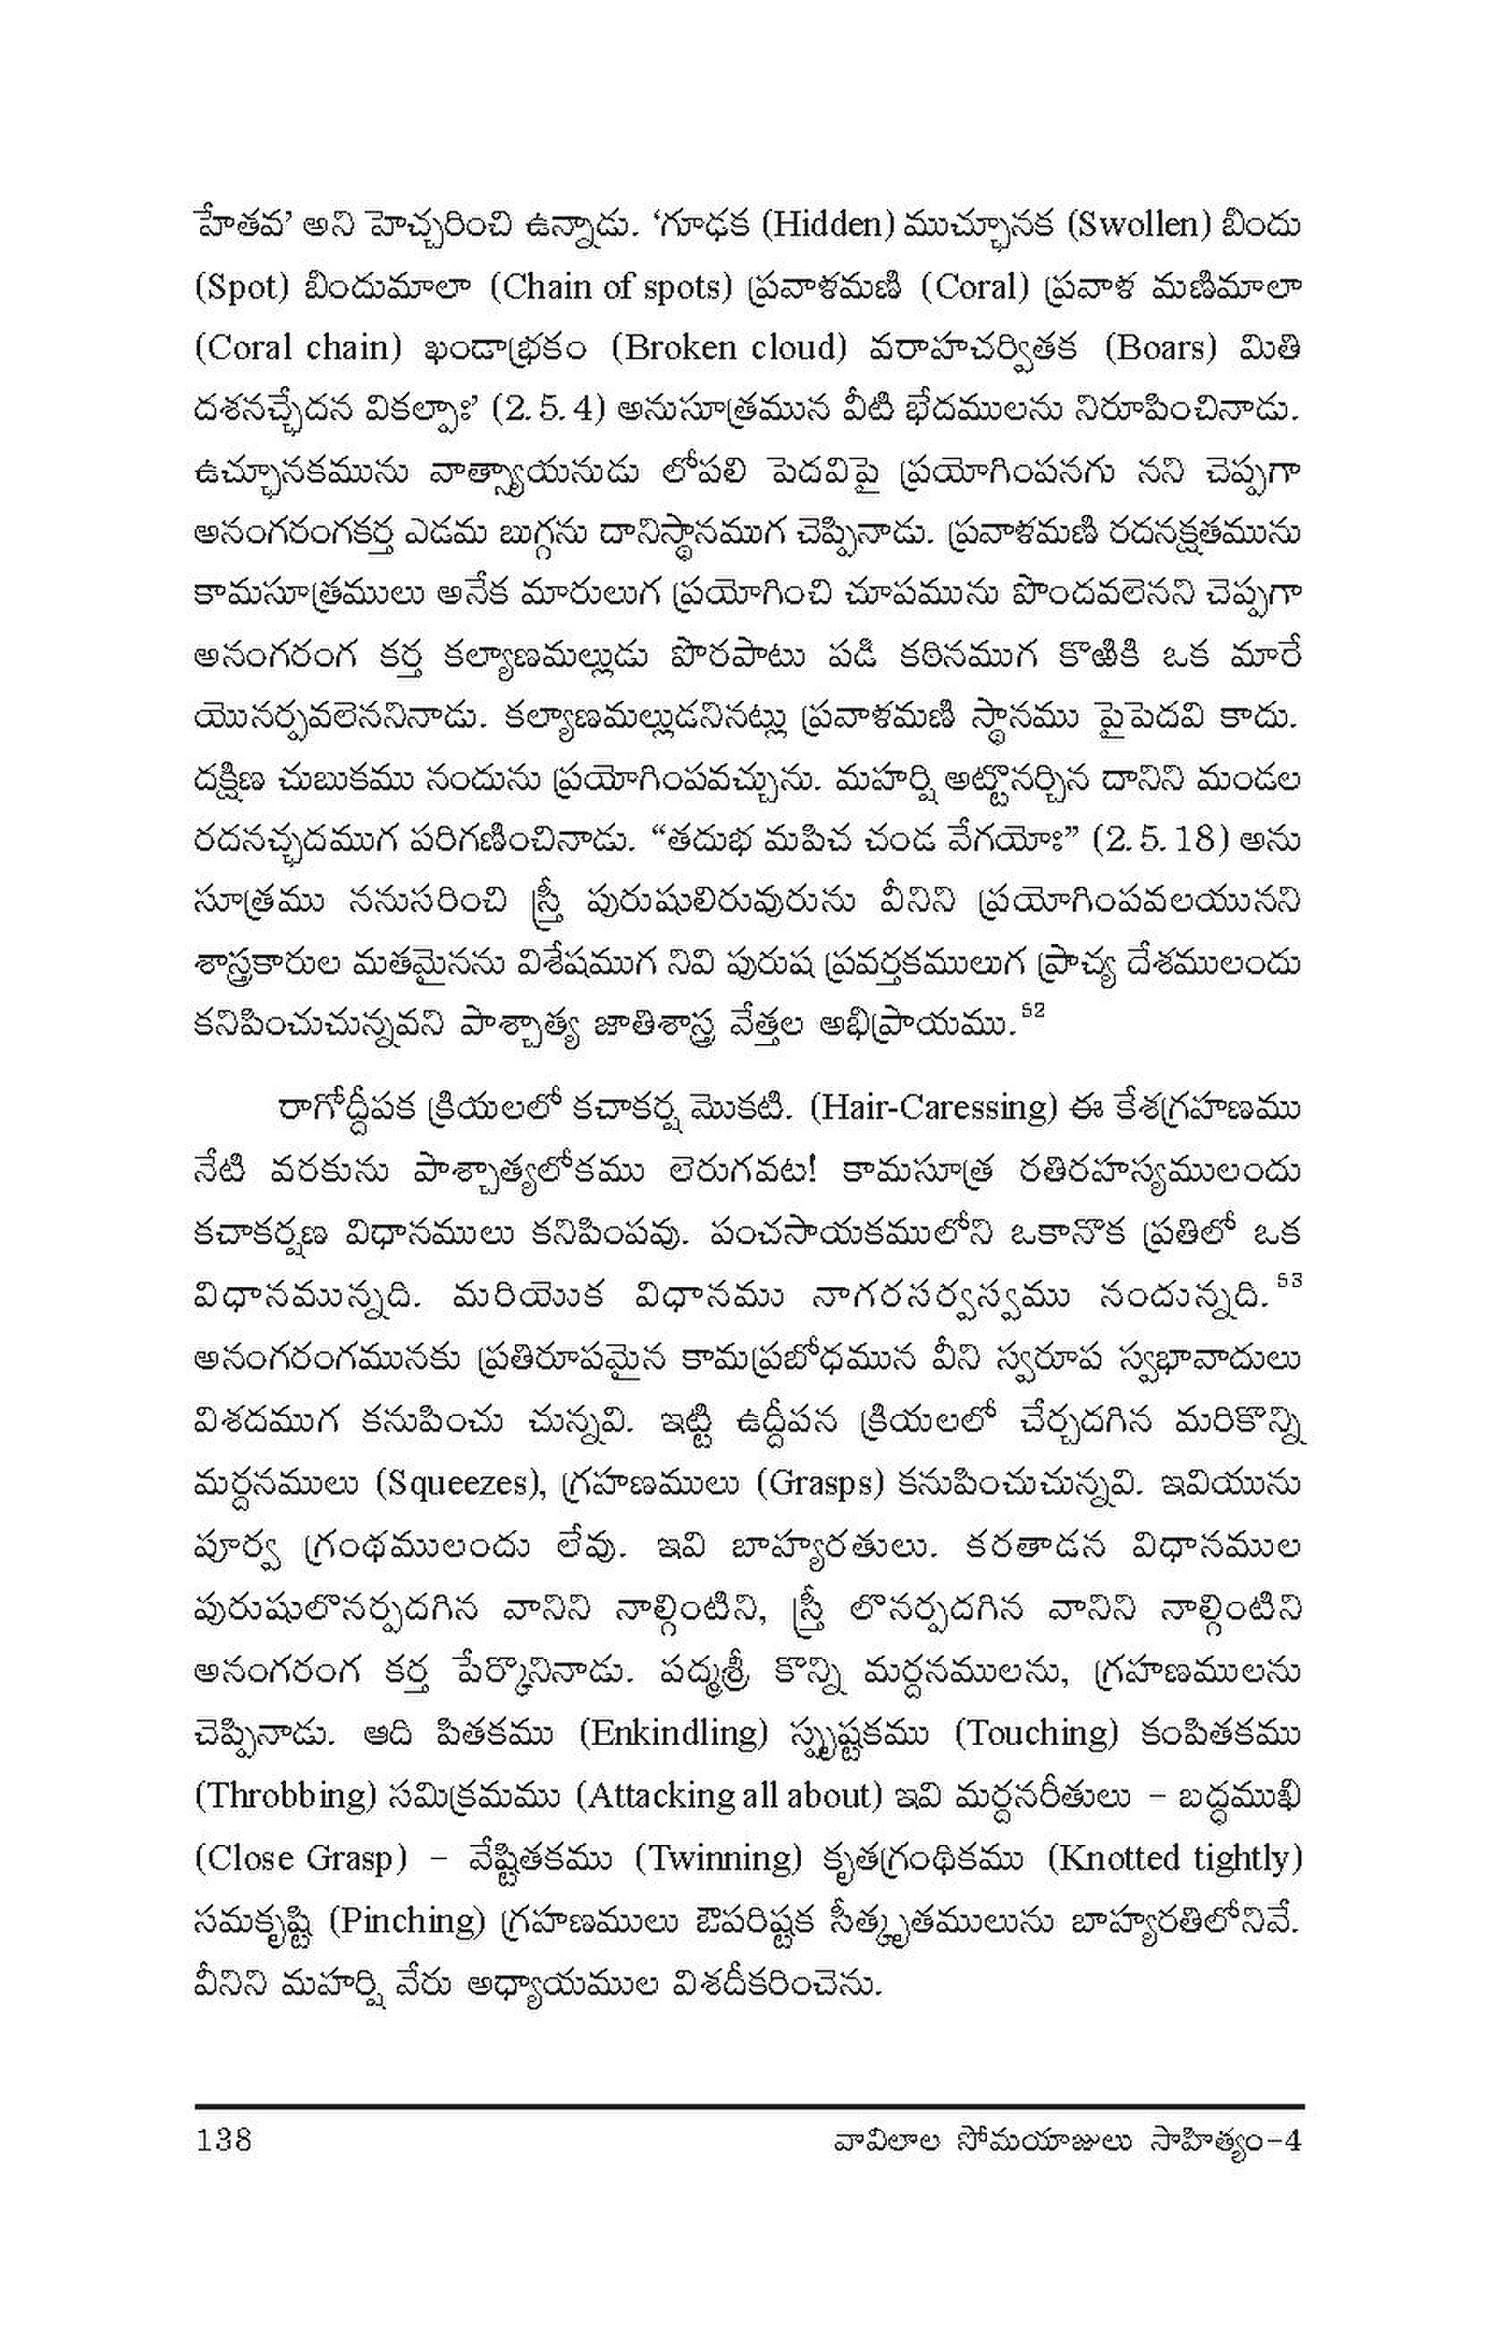హేతవ' అని హెచ్చరించి ఉన్నాడు. 'గూఢక (Hidden) ముచ్ఛూనక (Swollen) బిందు
(Spot) బిందుమాలా (Chain of spots) ప్రవాళమణి (Coral) ప్రవాళ మణిమాలా
(Coral chain) ఖండాభ్రకం (Broken cloud) వరాహచర్వితక (Boars) మితి
దశనచ్ఛేదన వికల్పాః (2.5.4) అనుసూత్రమున వీటి భేదములను నిరూపించినాడు.
ఉచ్ఛూనకమును వాత్స్యాయనుడు లోపలి పెదవిపై ప్రయోగింపనగు నని చెప్పగా
అనంగరంగకర్త ఎడమ బుగ్గను దానిస్థానముగ చెప్పినాడు. ప్రవాళమణి రదనక్షతమును
కామసూత్రములు అనేక మారులుగ ప్రయోగించి చూపమును పొందవలెనని చెప్పగా
అనంగరంగ కర్త కల్యాణమల్లుడు పొరపాటు పడి కఠినముగ కొఱికి ఒక మారే
యొనర్పవలెననినాడు. కల్యాణమల్లుడనినట్లు ప్రవాళమణి స్థానము పై పెదవి కాదు.
దక్షిణ చుబుకము నందును ప్రయోగింపవచ్చును. మహర్షి అట్టొనర్చిన దానిని మండల
రదనచ్ఛదముగ పరిగణించినాడు. “తదుభ మపిచ చండ వేగయోః" (2.5.18) అను
సూత్రము ననుసరించి స్త్రీ పురుషులిరువురును వీనిని ప్రయోగింపవలయునని
శాస్త్రకారుల మతమైనను విశేషముగ నివి పురుష ప్రవర్తకములుగ ప్రాచ్య దేశములందు
కనిపించుచున్నవని పాశ్చాత్య జాతిశాస్త్ర వేత్తల అభిప్రాయము.

రాగోద్దీపక క్రియలలో కచాకర్ష మొకటి. (Hair-Caressing) ఈ కేశగ్రహణము
నేటి వరకును పాశ్చాత్యలోకము లెరుగవట! కామసూత్ర రతిరహస్యములందు
కచాకర్షణ విధానములు కనిపింపవు. పంచసాయకములోని ఒకానొక ప్రతిలో ఒక
విధానమున్నది. మరియొక విధానము నాగరసర్వస్వము నందున్నది.'
అనంగరంగమునకు ప్రతిరూపమైన కామప్రబోధమున వీని స్వరూప స్వభావాదులు
విశదముగ కనుపించు చున్నవి. ఇట్టి ఉద్దీపన క్రియలలో చేర్చదగిన మరికొన్ని
మర్దనములు (Squeezes), గ్రహణములు (Grasps) కనుపించుచున్నవి. ఇవియును
పూర్వ గ్రంథములందు లేవు. ఇవి బాహ్యరతులు. కరతాడన విధానముల
పురుషులొనర్పదగిన వానిని నాల్గింటిని, స్త్రీ లొనర్పదగిన వానిని నాల్గింటిని
అనంగరంగ కర్త పేర్కొనినాడు. పద్మశ్రీ కొన్ని మర్దనములను, గ్రహణములను
చెప్పినాడు. ఆది పితకము (Enkindling) స్పృష్టకము (Touching) కంపితకము
(Throbbing) సమిక్రమము (Attacking all about) ఇవి మర్దనరీతులు - బద్ధముఖి
(Close Grasp) - వేష్టితకము (Twinning) కృతగ్రంథికము (Knotted tightly)
సమకృష్టి (Pinching) గ్రహణములు ఔపరిష్టక సీత్కృతములును బాహ్యరతిలోనివే.
వీనిని మహర్షి వేరు అధ్యాయముల విశదీకరించెను.